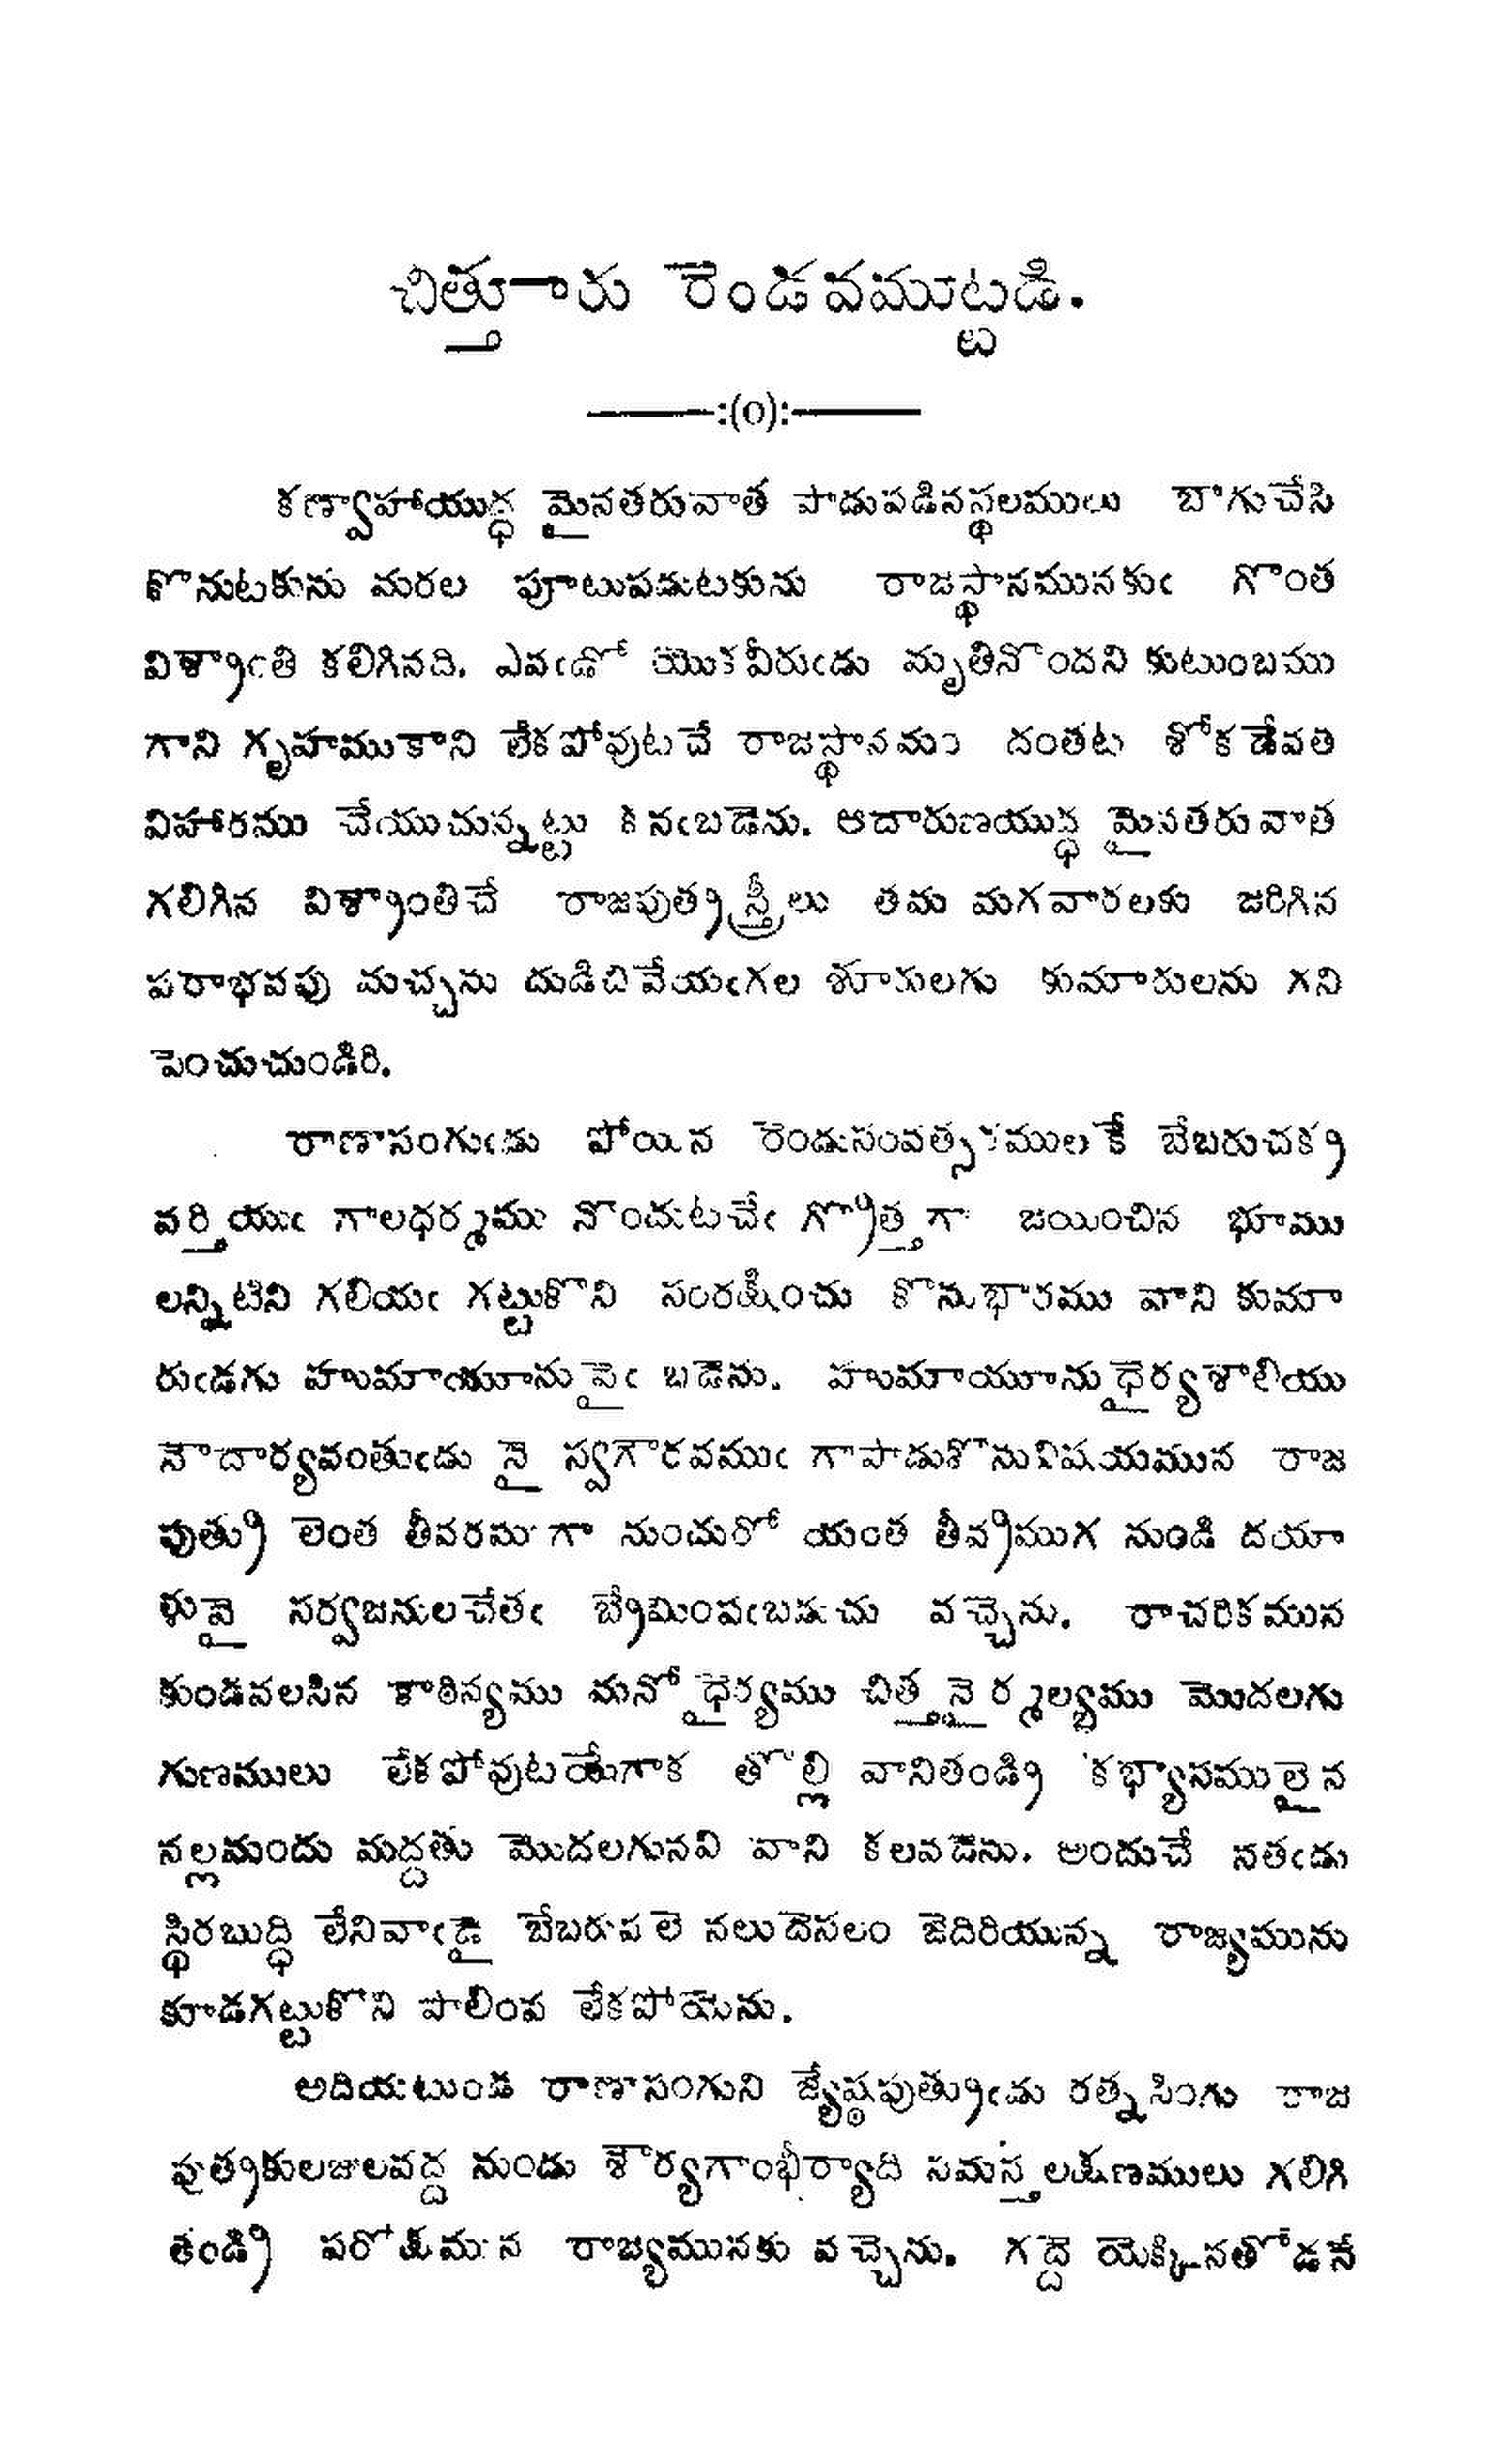చిత్తూరు రెండవముట్టడి.

కణ్వాహా యుద్ధమైన తరువాత పాడుపడినస్థలములు బాగుచేసి కొనుటకును మరల ఫూటుపడుటకును రాజస్థానమునకుఁ గొంత విశ్రాంతి కలిగినది, ఎవఁడో యొక వీరుఁడు మృతినొందని కుటుంబము గాని గృహము కాని లేకపోవుటచే రాజస్థానమం దంతట శోకదేవత విహారము చేయుచున్నట్టు కనఁబడెను. ఆదారుణ యుద్ధమైన తరువాత గలిగిన విశ్రాంతిచే రాజపుత్ర స్త్రీలు తమ మగవారలకు జరిగిన పరాభవపు మచ్చను దుడిచి వేయఁగల శూరులగు కుమారులను గని పెంచుచుండిరి.

రాణాసంగుఁడు పోయిన రెండు సంవత్సరములకే బేబరు చక్రవర్తియుఁ గాలధర్మము నొందుటచేఁ గ్రోత్తగా జయించిన భూములన్నిటిని గలియఁ గట్టుకొని సంరక్షించు కొనుభారము వాని కుమారుఁడగు హుమాయూను పైఁ బడెను. హుమాయూను ధైర్యశాలియు సౌదార్యవంతుఁడు నై స్వగౌరవముఁ గాపాడుకొను విషయమున రాజపుత్రు లెంత తీవరముగా నుందురో యంత తీవ్రముగ నుండి దయాళువై సర్వజనులచేతఁ బ్రేమింపఁబడుచు వచ్చెను. రాచరికమున కుండవలసిన కాఠిన్యము మనో ధైర్యము చిత్త నైర్మల్యము మొదలగు గుణములు లేకపోవుటయేగాక తొల్లి వానితండ్రి 'కభ్యాసములైన నల్లమందు మద్దతు మొదలగునవి వాని కలవడెను. అందుచే నతఁడు స్థిరబుద్ధి లేనివాఁడై బేబరువలె నలుదెసలం జెదిరియున్న రాజ్యమును కూడగట్టుకోని పాలింప లేకపోయెను.

అదియటుండ రాణాసంగుని జ్యేష్ఠపుత్రుఁడు రత్నసింగు రాజపుత్రకులజులవద్ద నుండు శౌర్యగాంభీర్యాది సమస్త లక్షణములు గలిగి తండ్రి పరోక్షమున రాజ్యమునకు వచ్చెను. గద్దె యెక్కినతోడనే